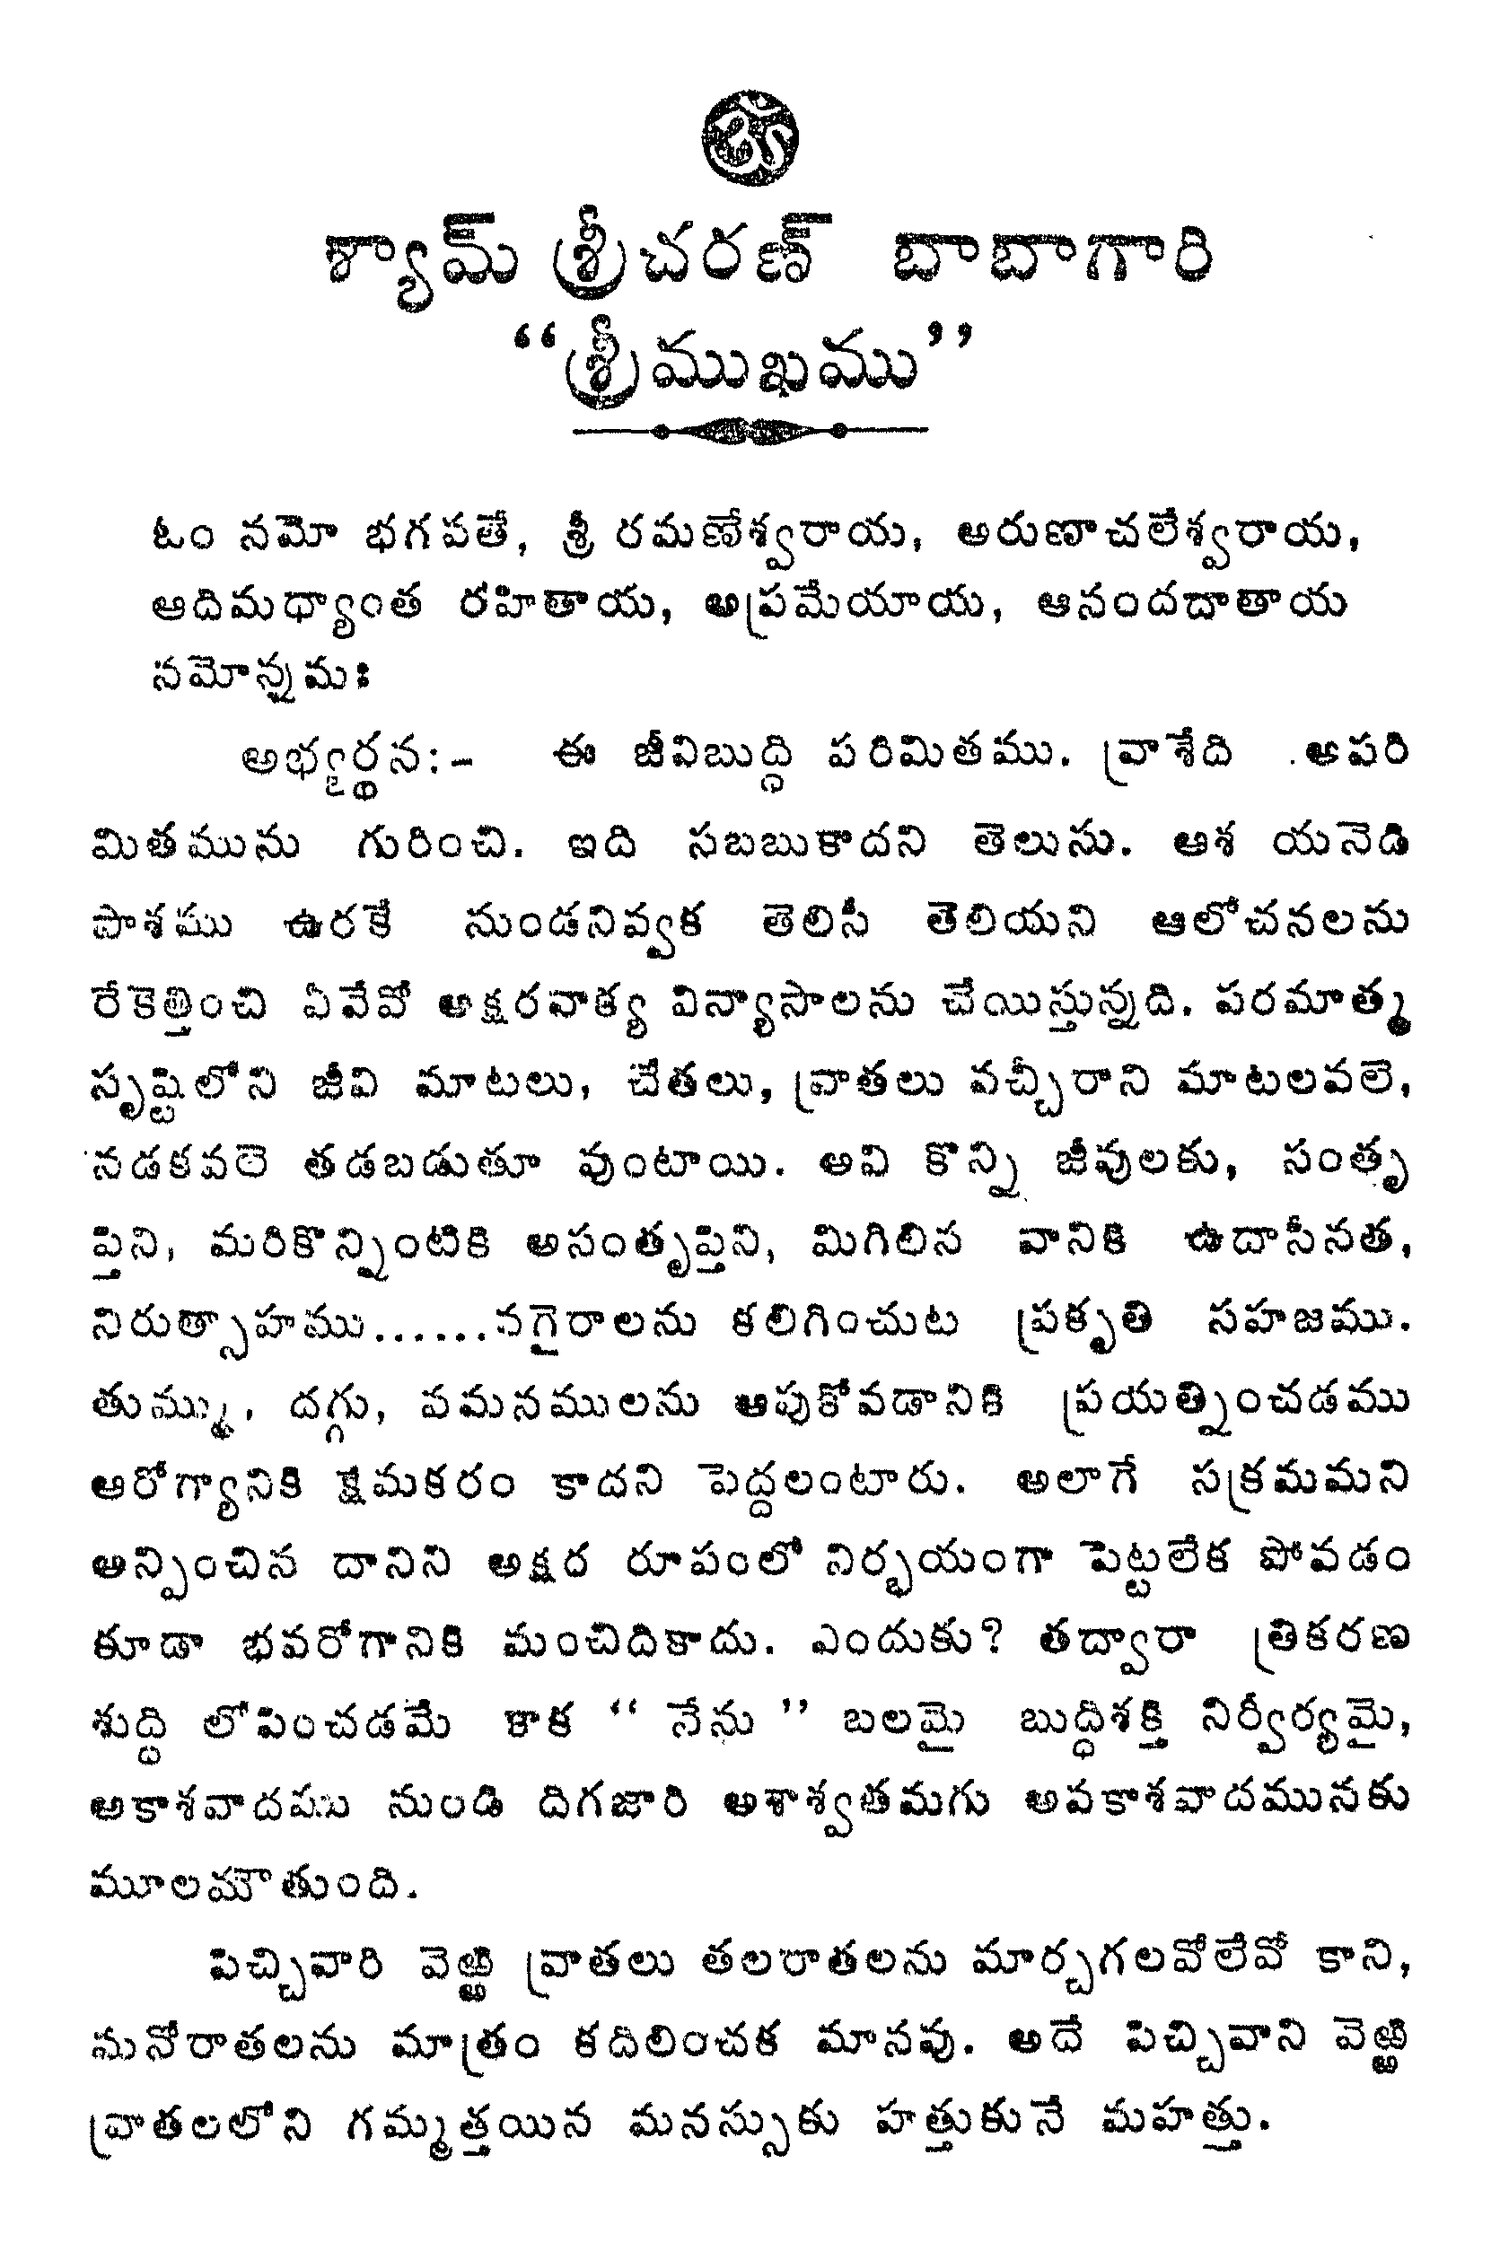ఓం నమో భగవతే, శ్రీ రమణేశ్వరాయ, అరుణాచలేశ్వరాయ, ఆధిమధ్యాంత రహితాయ, అప్రమేయాయ, ఆనందదాతాయ నమోన్నమ:

అభ్యర్థన:- ఈ జీవిబుద్ది పరిమితము. వ్రాశేది అపరిమితమును గురించి. ఇది సబబుకాదని తెలుసు. ఆశ యనెడి పాశము ఊరకే నుండనివ్వక తెలిసీ తెలియని ఆలోచనలను రేకెత్తించి ఏవేవో అక్షరవాక్య విన్యాసాలను చేయిస్తున్నది. పరమాత్మ సృష్టిలోని జీవి మాటలు, చేతలు, వ్రాతలు వచ్చీరాని మాటలవలె, నడకలవలె తడబడుతూ వుంటాయి. అవి కొన్ని జీవులకు, సంతృప్తిని, మరికొన్నింటికి అసంతృప్తిని, మిగిలిన వానికి ఉదాసీనత, నిరుత్సాహము....... వగైరాలను కలిగించుట ప్రకృతి సహజము. తుమ్ము, దగ్గు, వమనములను ఆపుకోవడానికి ప్రయత్నించడము ఆరోగ్యానికి క్షేమకరం కాదని పెద్దలంటారు. అలాగే సక్రమమని అన్పించిన దానిని అక్షర రూపంలో నిర్భయంగా పెట్టలేక పోవడం కూడా భవరోగానికి మంచిదికాదు. ఎందుకు? తద్వారా త్రికరణ శుద్ది లోపించడమే కాక "నేను" బలమై బుద్ధిశక్తి నిర్వీర్యమై, అకాశవాదము నుండి దిగజారి అశాశ్వతమగు అవకాశవాదమునకు మూలమౌతుంది.

పిచ్చివారి వెఱ్ఱి వ్రాతలు తలరాతలను మార్చగలవోలేవో కాని, మనోరాతలను మాత్రం కదిలించక మానవు. అదే పిచ్చివాని వెఱ్ఱి వ్రాతలలోని గమ్మత్తయిన మనస్సుకు హత్తుకునే మహత్తు.